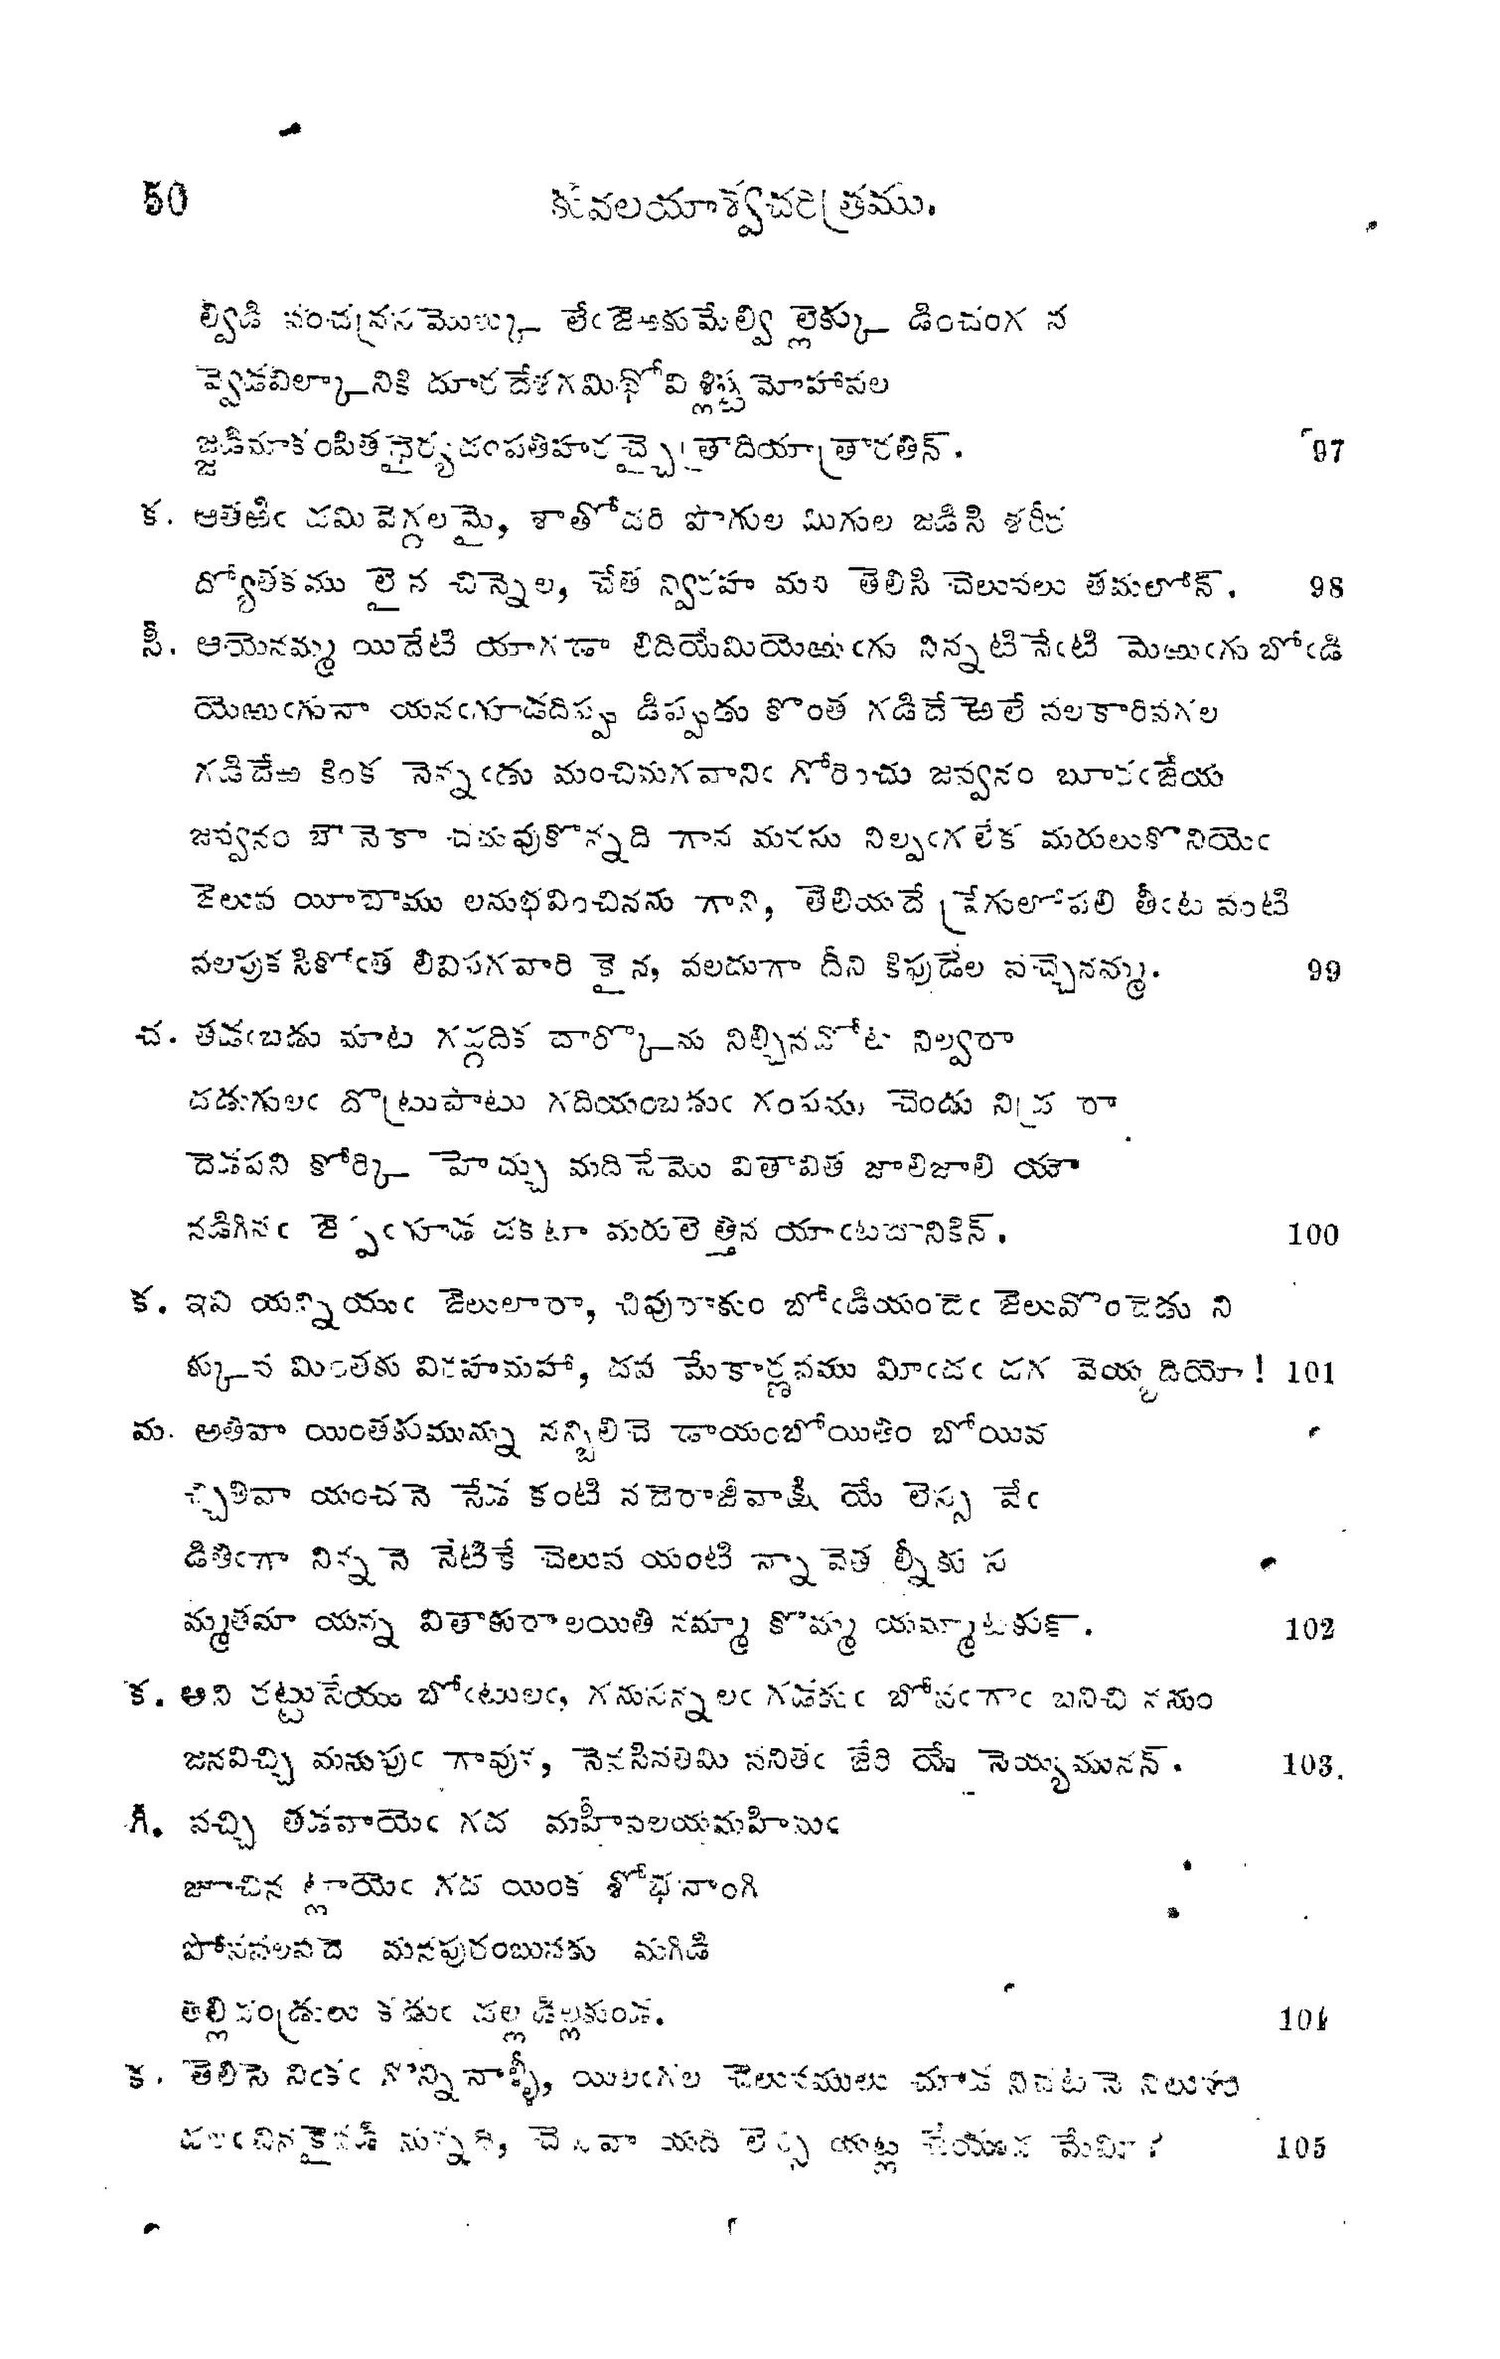ల్విడి వంచ న్రస మొల్కు లేఁజెఱకుమేల్వి ల్లెక్కుడించంగ న
వ్వెడవిల్కానికి దూరదేశగమిథోవిశ్లిష్టమోహావల
జ్జడిమాకంపితధైర్యదంపతిహరచ్చైత్రాదియాత్రారతిన్.
క. ఆతఱిఁ దమి వెగ్గలమై, శాతోదరి పొగుల మిగుల జడిసి శరీర
ద్యోతకము లైన చిన్నెల, చేత న్విరహ మని తెలిసి చెలువలు తమలోన్.
సీ. ఆయెనమ్మ యిదేటి యాగడా లిది యేమి యెఱుఁగు నిన్నటినేఁటి మెెఱుఁగుఁబోఁడి
యెఱుఁగునా యనఁగూడ దిప్పుడిప్పుడు కొంత గడిదేఱెలే వలకారివగల
గడిదేఱ కింక నెన్నఁడు మంచిమగవానిఁ గోరించు జవ్వనం బూరఁజేయ
జవ్వనం బౌనెకా చదువుకొన్నది గాన మనసు నిల్పఁగలేక మరులుకొనియెఁ
జెలువ యీబాము లనుభవించినను గాని, తెలియదే ప్రేగులోపలి తీఁట వంటి
వలపుకసికోఁత లివి పగవారి కైన, వలదుగా దీని కిపుడేల వచ్చెనమ్మ.
చ. తడఁబడు మాట గద్గదిక దార్కొను నిల్చినచోట నిల్వరా
దడుగులఁ దొట్రుపాటు గదియంబడుఁ గంపము చెందు నిద్ర రా
దెడపని కోర్కి హెచ్చు మదినేమొ వితావిత జాలిజాలి యౌ
నడిగినఁ జెప్పఁగూడ దకటా మరులెత్తిన యాఁటదానికిన్.
క. ఇవి యన్నియుఁ జెలులారా, చివురాకుం బోఁడియందెఁ జెలువొందెడు ని
క్కువ మింతకు విరహమహా, దవ మేకార్ణవము మీఁదఁ దగ వెయ్యదియో!
మ. అతివా యింతకుమున్ను నన్బిలిచె డాయంబోయితిం బోయివ
చ్చితివా యంచనె నేడ కంటి నదె రాజీవాక్షి యే లెస్స వేఁ
డితిఁగా నిన్ననె నేటికే చెలువ యంటి న్నావెత ల్నీకు స
మ్మతమా యన్న వితాకురాలయితి సమ్మా కొమ్మ యమ్మాటకున్.
క. అని రట్టు సేయు బోఁటులఁ, గనుసన్నలఁ గడకుఁ బోవఁగాఁ బనిచి ననుం
జనవిచ్చి మనుపుఁ గావున, నెనసినతమి వనితఁ జేరి యే నెయ్యమునన్.
గీ. వచ్చి తడవాయెఁ గద మహీవలయమహిమఁ
జూచిన ట్లాయెఁ గద యింక శోభనాంగి
పోవలవదె మనపురంబునకు మగిడి
తల్లిదండ్రులు కడుఁ దల్లడిల్లకుండ.
క. తెలిసె నిఁకఁ కొన్నినా ళ్ళీ, యిఁలగల చెలువములు చూడ నిచటనె నిలువం
దలఁచినకైవడి నున్నది, చెలువా యది లెస్స యట్ల చేయుద మేమీ?